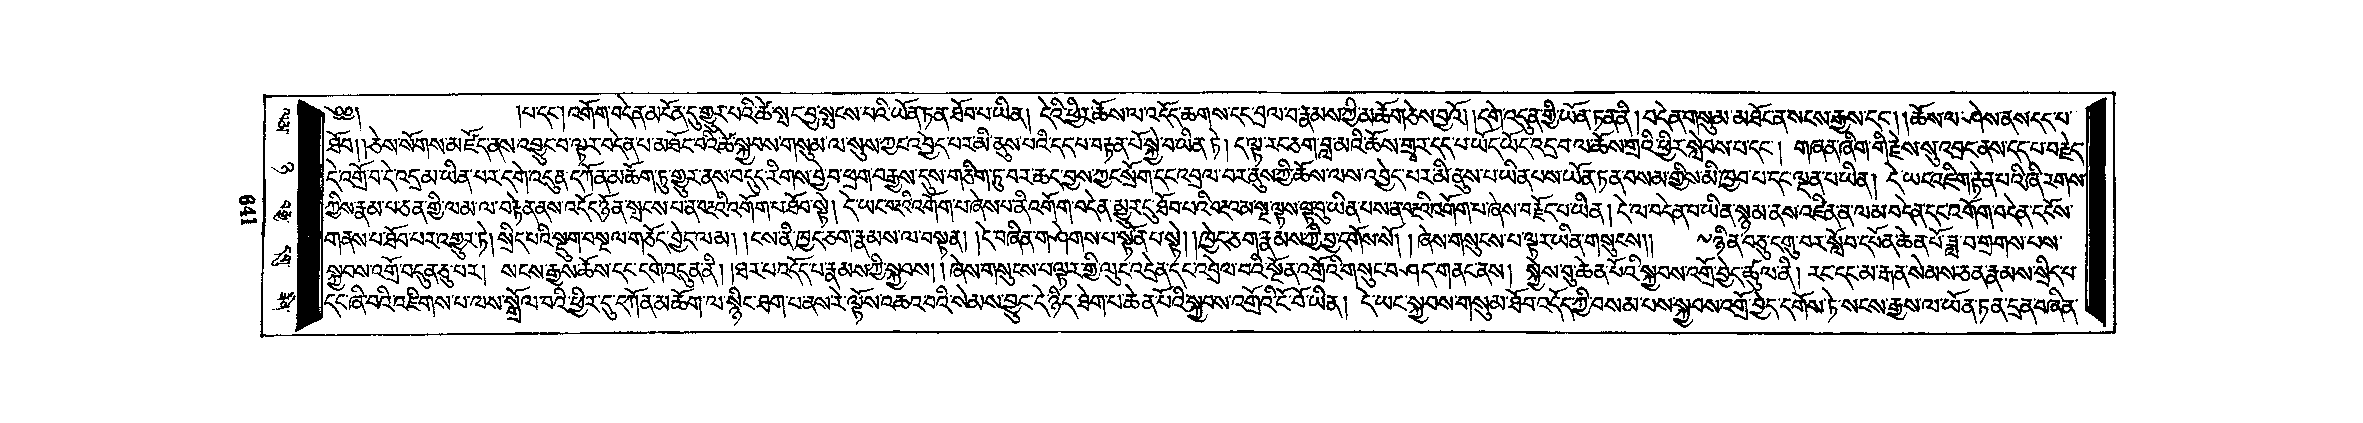༄༅། །པ་དང་། འགོག་བདེན་མངོན་དུ་གྱུར་པའི་ཚེ་སྤང་བྱ་སྤངས་པའི་ཡོན་ཏན་ཐོབ་པ་ཡིན། དེའི་ཕྱིར་ཆོས་ལ་འདོད་ཆགས་དང་བྲལ་བ་རྣམས་ཀྱི་མཆོག་ཅེས་བྱའོ། །དགེ་འདུན་གྱི་ཡོན་ཏན་ནི། བདེན་གསུམ་མཐོང་ན་སངས་རྒྱས་དང་། །ཆོས་ལ་ཤེས་ནས་དད་པ་
ཐོབ། །ཅེས་སོགས་མཛོད་ནས་འབྱུང་བ་ལྟར་བདེན་པ་མཐོང་བའི་ཚེ་སྐྱབས་གསུམ་ལ་སུས་ཀྱང་འབྱེད་པར་མི་ནུས་པའི་དད་པ་བརྟན་པོ་སྐྱེ་བ་ཡིན་ཏེ། ད་ལྟ་རང་ཅག་བླ་མའི་ཆོས་གྲྭར་དད་པ་ཡོད་ཡོད་འདྲ་བ་ལ་ཆོས་གྲའི་ཕྱིར་སླེབས་པ་དང་། གཞན་ཞིག་གི་རྗེས་སུ་འབྲང་ནས་དད་པ་བརྗེད་
དེ་འགྲོ་བ་དེ་འདྲ་མ་ཡིན་པར་དགེ་འདུན་དཀོན་མཆོག་ཏུ་གྱུར་ནས་བདུད་རིགས་བྱེ་བ་ཕྲག་བརྒྱས་དུས་གཅིག་ཏུ་བར་ཆད་བྱས་ཀྱང་སྲོག་དང་འབྲལ་བར་ནུས་ཀྱི་ཆོས་ལས་འབྱེད་པར་མི་ནུས་པ་ཡིན་པས་ཡོན་ཏན་བསམ་གྱིས་མི་ཁྱབ་པ་དང་ལྡན་པ་ཡིན། དེ་ཡང་འཇིག་རྟེན་པའི་ཞི་རགས་
ཀྱིས་རྣམ་པ་ཅན་གྱི་ལམ་ལ་བརྟེན་ནས་འདོད་ཉོན་སྤངས་པ་ན་བརྡའི་འགོག་པ་ཐོབ་སྟེ། དེ་ཡང་བརྡའི་འགོག་པ་ཞེས་པ་ནི་འགོག་བདེན་མྱུར་དུ་ཐོབ་པའི་བརྡའམ་སྔ་ལྟས་ལྟ་བུ་ཡིན་པས་ན་བརྡའི་འགོག་པ་ཞེས་བརྗོད་པ་ཡིན། དེ་ལ་བདེན་པ་ཡིན་སྙམ་ནས་འཛིན་ན་ལམ་བདེན་དང་འགོག་བདེན་དངོས་
གནས་པ་ཐོབ་པར་འགྱུར་ཏེ། སྲིད་པའི་སྡུག་བསྔལ་གཅོད་བྱེད་ལམ། །ངས་ནི་ཁྱད་ཅག་རྣམས་ལ་བསྟན། །དེ་བཞིན་གཤེགས་པ་སྟོན་པ་སྟེ། །ཁྱེད་ཅག་རྣམས་ཀྱི་བྱ་དགོས་སོ། །ཞེས་གསུངས་པ་ལྟར་ཡིན་གསུངས། །༧ཉིན་བཅུ་དགུ་བར་སློབ་དཔོན་ཆེན་པོ་ཟླ་བ་གྲགས་པས་
སྐྱབས་འགྲོ་བདུན་ཅུ་པར། སངས་རྒྱས་ཆོས་དང་དགེ་འདུན་ནི། །ཐར་པ་འདོད་པ་རྣམས་ཀྱི་སྐྱབས། །ཞེས་གསུངས་པ་ལྟར་གྱི་ལུང་འདྲེན་དང་འབྲེལ་བའི་སྔོན་འགྲོའི་གསུང་བཤད་གནང་ནས། སྐྱེས་བུ་ཆེན་པོའི་སྐྱབས་འགྲོ་བྱེད་ཚུལ་ནི། རང་དང་མ་རྒན་སེམས་ཅན་རྣམས་སྲིད་པ་
དང་ཞི་བའི་འཇིགས་པ་ལས་སྒྲོལ་བའི་ཕྱིར་དུ་དཀོན་མཆོག་ལ་སྙིང་ཐག་པ་ནས་རེ་ལྟོས་འཆའ་བའི་སེམས་བྱུང་དེ་ཉིད་ཐེག་པ་ཆེན་པོའི་སྐྱབས་འགྲོའི་ངོ་བོ་ཡིན། དེ་ཡང་སྐྱབས་གསུམ་ཐོབ་འདོད་ཀྱི་བསམ་པས་སྐྱབས་འགྲོ་བྱེད་དགོས་ཏེ་སངས་རྒྱས་ལ་ཡོན་ཏན་དྲན་བཞིན་